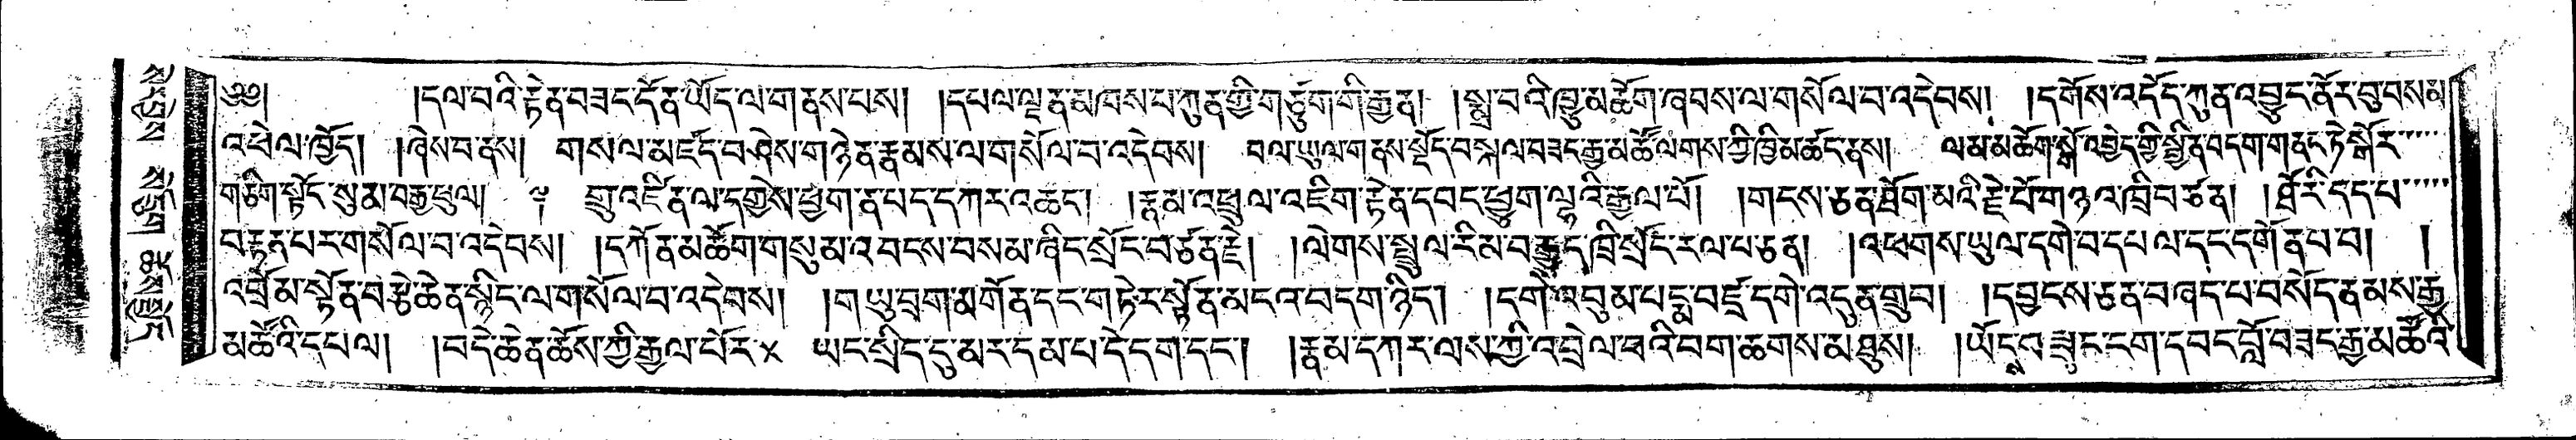༄༅། །དལ་བའི་རྟེན་བཟང་དོན་ཡོད་ལ་གནས་པས། །དཔལ་ལྡན་མཁས་པ་ཀུན་གྱི་གཙུག་གི་རྒྱན། །སྨྲ་བའི་ཁྱུ་མཆོག་ཞབས་ལ་གསོལ་བ་འདེབས། །དགོས་འདོད་ཀུན་འབྱུང་ནོར་བུ་བསམ་
འཕེལ་ཁྱོད། །ཞེས་པ་ནས། གསལ་མཛད་བཤེས་གཉེན་རྣམས་ལ་གསོལ་བ་འདེབས། །བལ་ཡུལ་གནས་སྡོད་བསྐལ་བཟང་རྒྱ་མཚོ་ལགས་ཀྱི་ཁྱིམ་ཚང་ནས། ལམ་མཆོག་སྒོ་འབྱེད་གྱི་སྦྱིན་བདག་གནང་ཏེ་སྒོར་
གཅིག་སྟོང་སུམ་བརྒྱ་ཕུལ། ༈ གྲུ་འཛིན་ལ་དགྱེས་ཕྱག་ན་པད་དཀར་འཆང་། །རྣམ་འཕྲུལ་འཇིག་རྟེན་དབང་ཕྱུག་ལྷའི་རྒྱལ་པོ། །གངས་ཅན་ཐོག་མའི་རྗེ་པོ་གཉའ་ཁྲི་བཙན། །ཐོ་རི་དད་པ་
བརྟན་པར་གསོལ་བ་འདེབས། །དཀོན་མཆོག་གསུམ་འབངས་བསམ་ཞིང་སྲོང་བཙན་རྗེ། །ལེགས་སྤྲུལ་རིམ་བརྒྱུད་ཁྲི་སྲོང་རལ་པ་ཅན། །འཕགས་ཡུལ་དགེ་བ་དཔལ་དང་དགོན་པ་བ། །
འབྲོམ་སྟོན་བརྩེ་ཆེན་སྙིང་ལ་གསོལ་བ་འདེབས། །གཡུ་བྲག་མགོན་དང་གཏེར་སྟོན་མངའ་བདག་ཉིད། །དགེ་འབུམ་པདམ་བྫྲ་དགེ་འདུན་གྲུབ། །དབྱངས་ཅན་བཞད་པ་བསོད་ནམས་རྒྱ་
མཚོའི་དཔལ། །བདེ་ཆེན་ཆོས་ཀྱི་རྒྱལ་པོར་{྾}་ཡང་སྲིད་དུ་མར་དམ་པ་དེ་དག་དང་། །རྣམ་དཀར་ལས་ཀྱི་འབྲེལ་བའི་བག་ཆགས་མཐུས། །ཡོངས་བཟུང་ངག་དབང་བློ་བཟང་རྒྱ་མཚོའི་